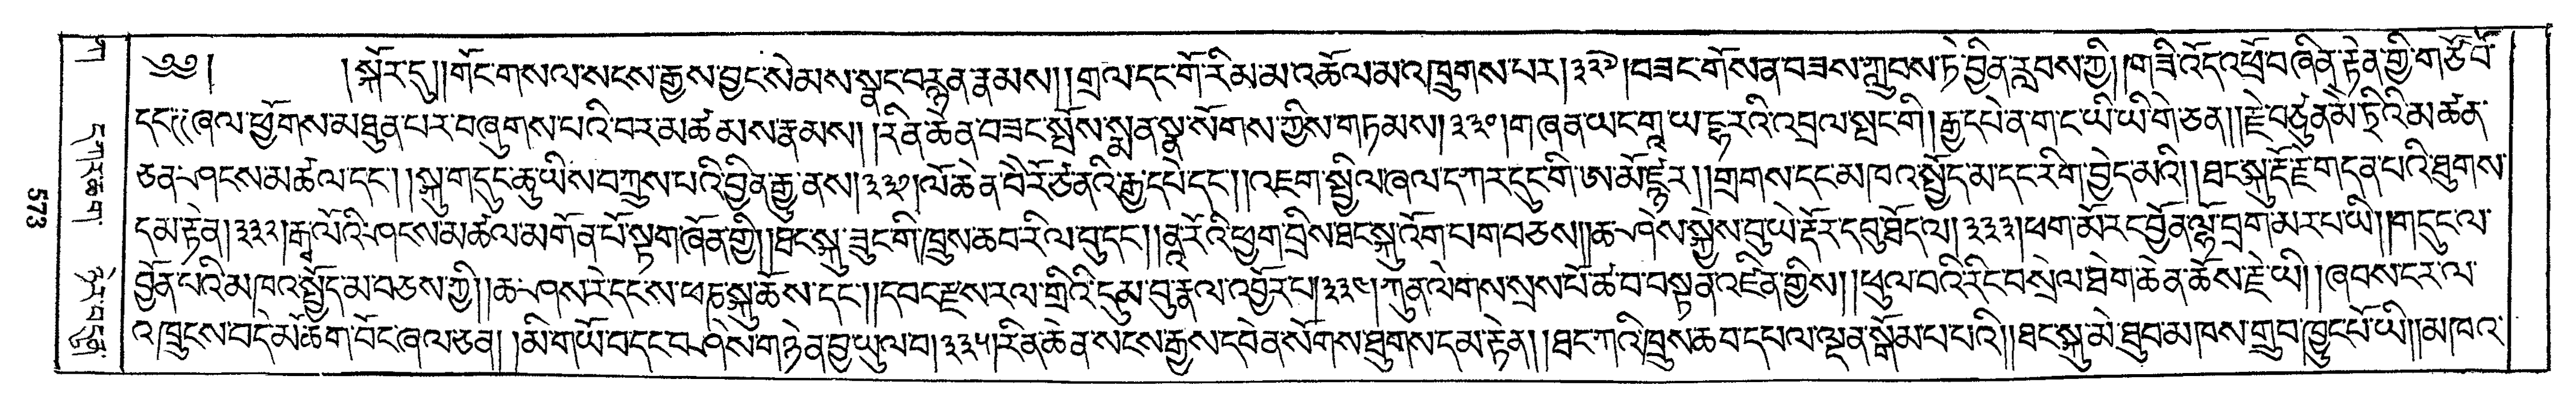༄༅། །སྐོར་དུ། །གོང་གསལ་སངས་རྒྱས་བྱང་སེམས་སྣང་བརྙན་རྣམས། །གྲལ་དང་གོ་རིམ་མ་འཆོལ་མ་འཁྲུགས་པར། ༣༢༧་།བཟང་གོས་ན་བཟས་ཀླུབས་ཏེ་བྱིན་རླབས་ཀྱི། །གཟི་འོད་འཕྲོ་བཞིན་རྟེན་གྱི་གཙོ་བོ་
དང༑ ༑ཞལ་ཕྱོགས་མཐུན་པར་བཞུགས་པའི་བར་མཚམས་རྣམས། །རིན་ཆེན་བཟང་སྤོས་སྨན་སྣ་སོགས་ཀྱིས་གཏམས། ༣༣༠་།གཞན་ཡང་གཱ་ཡ་དྷ་རའི་འབྲལ་སྦང་གི །རྒྱ་དཔེ་ན་ག་ར་ཡི་ཡི་གེ་ཅན། །རྗེ་བཙུན་མཻ་ཏྲིའི་མཚན་
ཅན་ཤངས་མཚལ་དང་། །སྐུ་གདུང་ཆུ་ཡིས་བཀྲུས་པའི་བྱིན་རྒྱུན་ས། ༣༣༡་།ལོ་ཆེན་བཻ་རོ་ཙ་ནའི་རྒྱ་དཔེ་དང་། །འཇག་སྤྱིལ་ཞལ་དཀར་དུང་གི་ཨ་མོ་ཛྙ་ར། །གྲགས་དང་མཁའ་སྦྱོད་མ་དང་རིག་བྱེད་མའི། །ཐང་སྐུ་རྡོ་རྗེ་གདན་པའི་ཐུགས་
དམ་རྟེན། ༣༣༢་།རྒྭ་ལོའི་ཤངས་མཚལ་མགོན་པོ་སྟག་ཞོན་གྱི། །ཐང་སྐུ་ཟུང་གི་ཁྲུས་ཆབ་རིལ་བུ་དང་། །ནཱ་རོའི་ཕྱག་བྲིས་ཐང་སྐུ་འོག་པག་བཅས། །ཆ་ཤས་སྐྱེས་བུ་ཡེ་རྡོར་དབུ་ཐོད་ལ། ༣༣༣་།ཕག་མོ་རང་བྱོན་ལྷོ་བྲག་མར་པ་ཡི། །གདུང་ལ་
བྱོན་པའི་མཁའ་སྦྱོད་མ་བཅས་ཀྱི། །ཆ་ཤས་རེ་དང་ས་པཎ་སྐུ་ཆོས་དང་། །དབང་རྫས་རལ་གྲིའི་དུམ་བུ་རྣལ་འབྱོར་པ། ༣༣༤་།ཀུན་ལེགས་སྲས་པོ་ཚ་བ་བསྟན་འཛིན་གྱིས། །ཕུལ་བའི་རིང་བསྲེལ་ཐེག་ཆེན་ཆོས་རྗེ་ཡི། །ཞབས་ངར་ལ་
འཁྲུངས་བདེ་མཆོག་པོང་ཞལ་ཅན། །མི་གཡོ་བ་དང་བཤེས་གཉེན་བྱ་ཡུལ་བ། ༣༣༥་།རིན་ཆེན་སངས་རྒྱས་དབོན་སོགས་ཐུགས་དམ་རྟེན། །ཐང་ཀའི་ཁྲུས་ཆབ་དཔལ་ལྡན་སྒོམ་པ་པའི། །ཐང་སྐུ་མེ་ཐུབ་མཁས་གྲུབ་ཁྱུད་པོ་ཡི། །མཁའ་